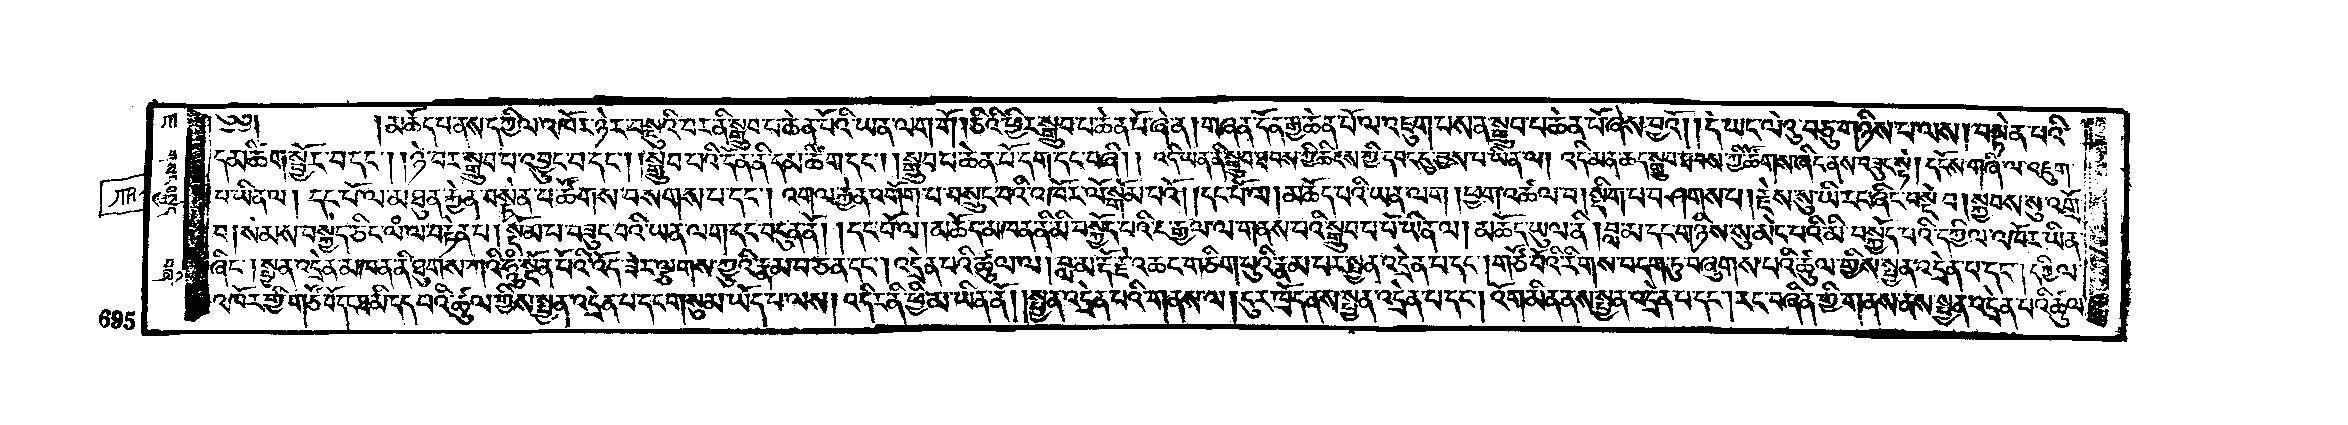༄༅། །མཆོད་པ་ནས་དཀྱིལ་འཁོར་ཉེར་བསྡུའི་བར་ནི་སྒྲུབ་པ་ཆེན་པོའི་ཡན་ལག་གོ །ཅིའི་ཕྱིར་སྒྲུབ་པ་ཆེན་པོ་ཞེ་ན། གཞན་དོན་རྒྱ་ཆེན་པོ་ལ་འཇུག་པས་ན་སྒྲུབ་པ་ཆེན་པོ་ཞེས་བྱའོ། །དེ་ཡང་ལེའུ་བཅུ་གཉིས་པ་ལས། བསྙེན་པའི་
དམ་ཚིག་སྦྱོར་བ་དང་། །ཉེ་བར་སྒྲུབ་པ་འབྱུང་བ་དང་། །སྒྲུབ་པའི་དོན་ནི་དམ་ཚིག་དང་། །སྒྲུབ་པ་ཆེན་པོ་དག་དང་བཞི། །འདི་ཡན་ནི་སྒྲུབ་ཐབས་ཀྱི་ཆིངས་ཀྱི་དབང་དུ་བྱས་པ་ཡིན་ལ། འདི་མན་ཆད་སྒྲུབ་ཐབས་ཀྱི་ཚོགས་ཞིང་ནས་བཟུང་སྟེ། དངོས་གཞི་ལ་འཇུག་
པ་ཡིན་ལ། དང་པོ་ལ་མཐུན་རྐྱེན་བསྟེན་པ་ཚོགས་བསགས་པ་དང་། འགལ་རྐྱེན་འགོག་པ་བསྲུང་བའི་འཁོར་ལོ་སྒོམ་པའོ། །དང་པོ་ལ་མཆོད་པའི་ཡན་ལག །ཕྱག་འཚལ་བ། སྡིག་པ་བཤགས་པ། རྗེས་སུ་ཡི་རང་ཞིང་བསྔོ་བ། སྐྱབས་སུ་འགྲོ་
བ། སེམས་བསྐྱེད་ཅིང་ལཾ་ལ་བརྟེན་པ། སྡོམ་པ་བཟུང་བའི་ཡན་ལག་དང་བདུན་ནོ། །དང་པོ་ལ། མཆོད་མཁན་ནི་མི་བསྐྱོད་པའི་ང་རྒྱལ་ལ་གནས་པའི་སྒྲུབ་པ་པོ་ཡིན་ལ། མཆོད་ཡུལ་ནི། བླ་མ་དང་གཉིས་སུ་མེད་པའི་མི་བསྐྱོད་པའི་དཀྱིལ་འཁོར་ཡིན་
ཞིང་༑སྤྱན་འདྲེན་མཁན་ནི་ཐུགས་ཀའི་ཧཱུཾ་སྔོན་པོའི་འོད་ཟེར་ལྕགས་ཀྱུའི་རྣམ་པ་ཅན་དང་། འདྲེན་པའི་ཚུལ་ལ། བླ་མ་རྡོ་རྗེ་འཆང་གཅིག་པུའི་རྣམ་པར་སྤྱན་འདྲེན་པ་དང་། གཙོ་བོའི་རིགས་བདག་ཏུ་བཞུགས་པའི་ཚུལ་གྱིས་སྤྱན་འདྲེན་པ་དང་། དཀྱིལ་འཁོར་གྱི་གཙོ་བོ་དང་ཐ་མི་དད་པའི་ཚུལ་གྱིས་སྤྱན་འདྲེན་པ་དང་གསུམ་ཡོད་པ་ལས། འདིར་ནི་ཕྱི་མ་ཡིན་ནོ། །སྤྱན་འདྲེན་པའི་གནས་ལ། དུར་ཁྲོད་ནས་སྤྱན་འདྲེན་པ་དང་། འོག་མིན་ནས་སྤྱན་འདྲེན་པ་དང་། རང་བཞིན་གྱི་གནས་ནས་སྤྱན་འདྲེན་པའི་ཚུལ་